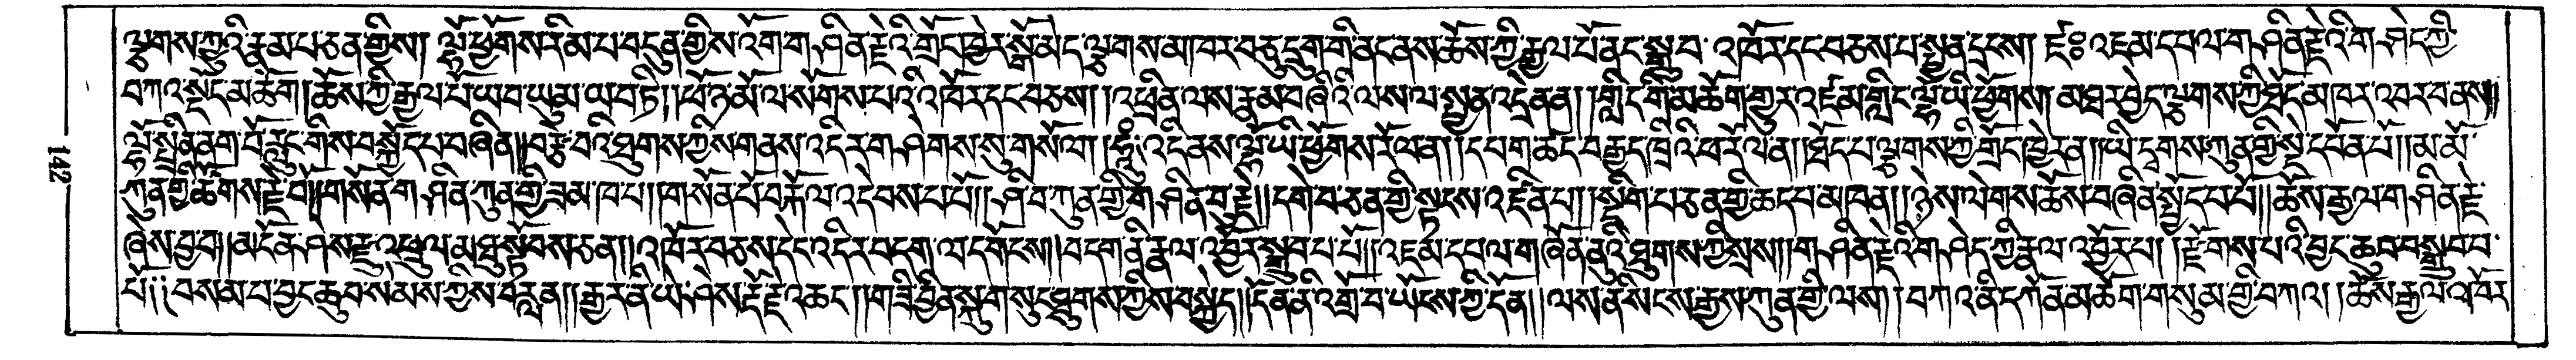ལྕགས་ཀྱུའི་རྣམ་པ་ཅན་གྱིས། ལྷོ་ཕྱོགས་ནིམ་པ་བདུན་གྱི་ས་འོག་གཤིན་རྗེའི་གྲོང་ཁྱེར་སྒོ་མེད་ལྕགས་མཁར་བཅུ་དྲུག་གི་ནང་ནས་ཆོས་ཀྱི་རྒྱལ་པོ་ནང་སྒྲུབ་འཁོར་དང་བཅས་པ་སྦྱན་དྲངས། ཛཿའཇམ་དཔལ་གཤིན་རྗེའི་གཤེད་ཀྱི་
བཀའ་སྡོང་མཆོག། ཆོས་ཀྱི་རྒྱལ་པོ་ཡབ་ཡུམ་ཡ་བ་ཏི། །ཕོ་ཉ་མོ་ལ་སོགས་པའི་འཁོར་དང་བཅས། །འཕྲིན་ལས་རྣམ་བཞིའ་ལས་ལ་སྦྱན་འདྲེན་ན། །གླིང་གི་མཆོག་གྱུར་འཛམ་གླིང་ལྷོ་ཡི་ཕྱོགས། །མཐར་བྱེད་ལྕགས་ཀྱི་ཐོང་མཁར་འབར་བ་ནས།
ལྷོ་སྦྲིན་ནག་པོ་རླུང་གིས་བསྐྱོད་པ་བཞིན། །བརྩེ་བའི་ཐུགས་ཀྱིས་གནས་འདིར་གཤེགས་སུ་གསོལ། །ཧཱུཾ༑ འདི་ནས་ལྷོ་ཡི་ཕྱོགས་རོལ་ན། །དཔག་ཆད་བརྒྱད་ཁྲིའི་ཕ་རོལ་ན། །ཐོད་པ་ལྕགས་ཀྱི་གྲོང་ཁྱེར་ན། །ཡི་དྭགས་ཀུན་གྱི་སྡེ་དཔོན་པོ། །མ་མོ་
ཀུན་གྱི་ཚོགས་རྗེ་བོ། །གསོན་གཤིན་ཀུན་གྱི་ཟམ་ཁ་པ། །གསོན་པོ་བརྐོ་ལ་འདེབས་པ་པོ། །ཤི་བ་ཀུན་གྱི་གཤིན་བུ་རྗེ། །དགེ་བ་ཅན་གྱི་སྟངས་འཛིན་པ། །སྡིག་བ་ཅན་ཡིག་ཆད་པ་མཁན། །ཉེས་ལེགས་ཆོས་བཞིན་སྤྱོད་པ་པོ། །ཆོས་རྒྱལ་གཤིན་རྗེ་
ཞེས་བྱ་བ། །མངོན་ཤེ་རྫུ་འཕྲུལ་མཐུ་སྟོབས་ཅན། །འཁོར་བཅས་དེང་འདིར་བདག་ལ་དངོས། །བདག་ནི་རྣལ་འབྱོར་སྒྲུབ་པ་པོ། །འཇམ་དཔལ་གཞོན་ནུའི་ཐུགས་ཀྱི་སྲས། །གཤིན་རྗེའི་གཤེད་ཀྱི་རྣལ་འབྱོར་པ། །རྫོགས་པའི་བྱང་ཆུབ་བསྒྲུབ་པ་
པོ༑ ༑བསམ་པ་བྱང་ཆུབ་སེམས་ཀྱིས་བརླན། །རྒྱར་ནི་ཡེ་ཤེས་རྡོ་རྗེ་འཆང་། །གཟི་བྱིན་སྐུ་གསུང་ཐུགས་ཀྱིས་བསྐྱེད། །དོན་ནི་འགྲོ་བ་ཡོངས་ཀྱི་དོན། །ལས་ནི་སངས་རྒྱས་ཀུན་གྱི་ལས། །བཀའ་ནི་དཀོན་མཆོག་གསུམ་གྱི་བཀའ། །ཆོས་རྒྱལ་འཁོར་